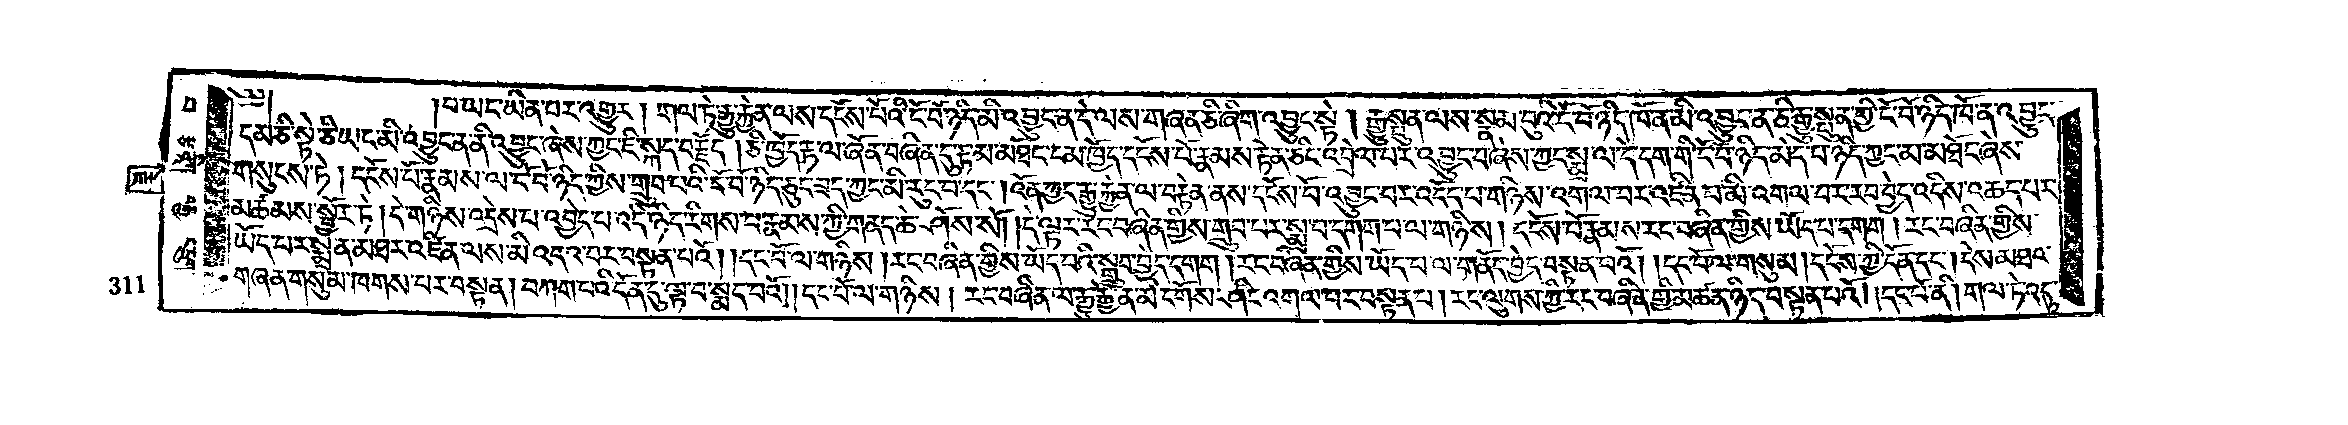༄༅། །པ་ཡང་ཡིན་པར་འགྱུར། གལ་ཏེ་རྒྱུ་རྐྱེན་ལས་དངོས་པོའི་ངོ་བོ་ཉིད་མི་འབྱུང་ན་དེ་ལས་གཞན་ཅི་ཞིག་འབྱུང་སྟེ། རྒྱུ་སྤུན་ལས་སྣམ་བུའི་ངོ་བོ་ཉིད་ཁོ་ན་མི་འབྱུང་ན་ཅི་རྒྱུ་སྤུན་གྱི་ངོ་བོ་ཉིད་ཁོ་ན་འབྱུང་
ངམ་ཅི་སྟེ་ཅི་ཡང་མི་འབྱུང་ན་ནི་འབྱུང་ཞེས་ཀྱང་ཇི་སྐད་བརྗོད། ཅི་ཁྱོད་རྟ་ལ་ཞོན་བཞིན་དུ་རྟ་མ་མཐོང་ངམ་ཁྱོད་དངོས་པོ་རྣམས་རྟེན་ཅིང་འབྲེལ་པར་འབྱུང་བ་ཞེས་ཀྱང་སྨྲ་ལ་དེ་དག་གི་ངོ་བོ་ཉིད་མེད་པ་ཉིད་ཀྱང་མ་མཐོང་ཞེས་
གསུངས་ཏེ། དངོས་པོ་རྣམས་ལ་ངོ་བོ་ཉིད་ཀྱིས་གྲུབ་པའི་ངོ་བོ་ཉིད་ཅུང་ཟད་ཀྱང་མི་རུང་བ་དང་། འོན་ཀྱང་རྒྱུ་རྐྱེན་ལ་བརྟེན་ནས་དངོས་པོ་འབྱུང་བར་འདོད་པ་གཉིས་འགལ་བར་འཛིན་པ་མི་འགལ་བར་རབ་བྱེད་འདིས་འཆད་པར་
མཚམས་སྦྱོར་ཏེ། དེ་གཉིས་འདྲེས་པ་འབྱད་པ་འདི་ཉིད་རིགས་པ་རྣམས་ཀྱི་གནད་ཆེ་ཤོས་སོ། །དེ་ལྟར་རང་བཞིན་གྱིས་གྲུབ་པར་སྨྲ་བ་དགག་པ་ལ་གཉིས། དངོས་པོ་རྣམས་རང་བཞིན་གྱིས་ཡོད་པ་དགག །རང་བཞིན་གྱིས་
ཡོད་པར་སྨྲ་ན་མཐར་འཛིན་ལས་མི་འདའ་བར་བསྟན་པའོ། །དང་པོ་ལ་གཉིས། རང་བཞིན་གྱིས་ཡོད་པའི་སྒྲུབ་བྱེད་དགག །རང་བཞིན་གྱིས་ཡོད་པ་ལ་གནོད་བྱེད་བསྟན་པའོ། །དང་པོ་ལ་གསུམ། དངོས་ཀྱི་དོན་དང་། དེས་མཐའ་
གཞན་གསུམ་ཁགས་པར་བསྟན། བཀག་པའི་དོན་དུ་ལྟ་བ་སྨད་པའོ། །དང་པོ་ལ་གཉིས། རང་བཞིན་ལ་རྒྱུ་རྐྱེན་མ་དགོས་ཤིང་འགལ་བར་བསྟན་པ། རང་ལུགས་ཀྱི་རང་བཞིན་གྱི་མཚན་ཉིད་བསྟན་པའོ། །དང་པོ་ནི། གལ་ཏེ་འདུ་